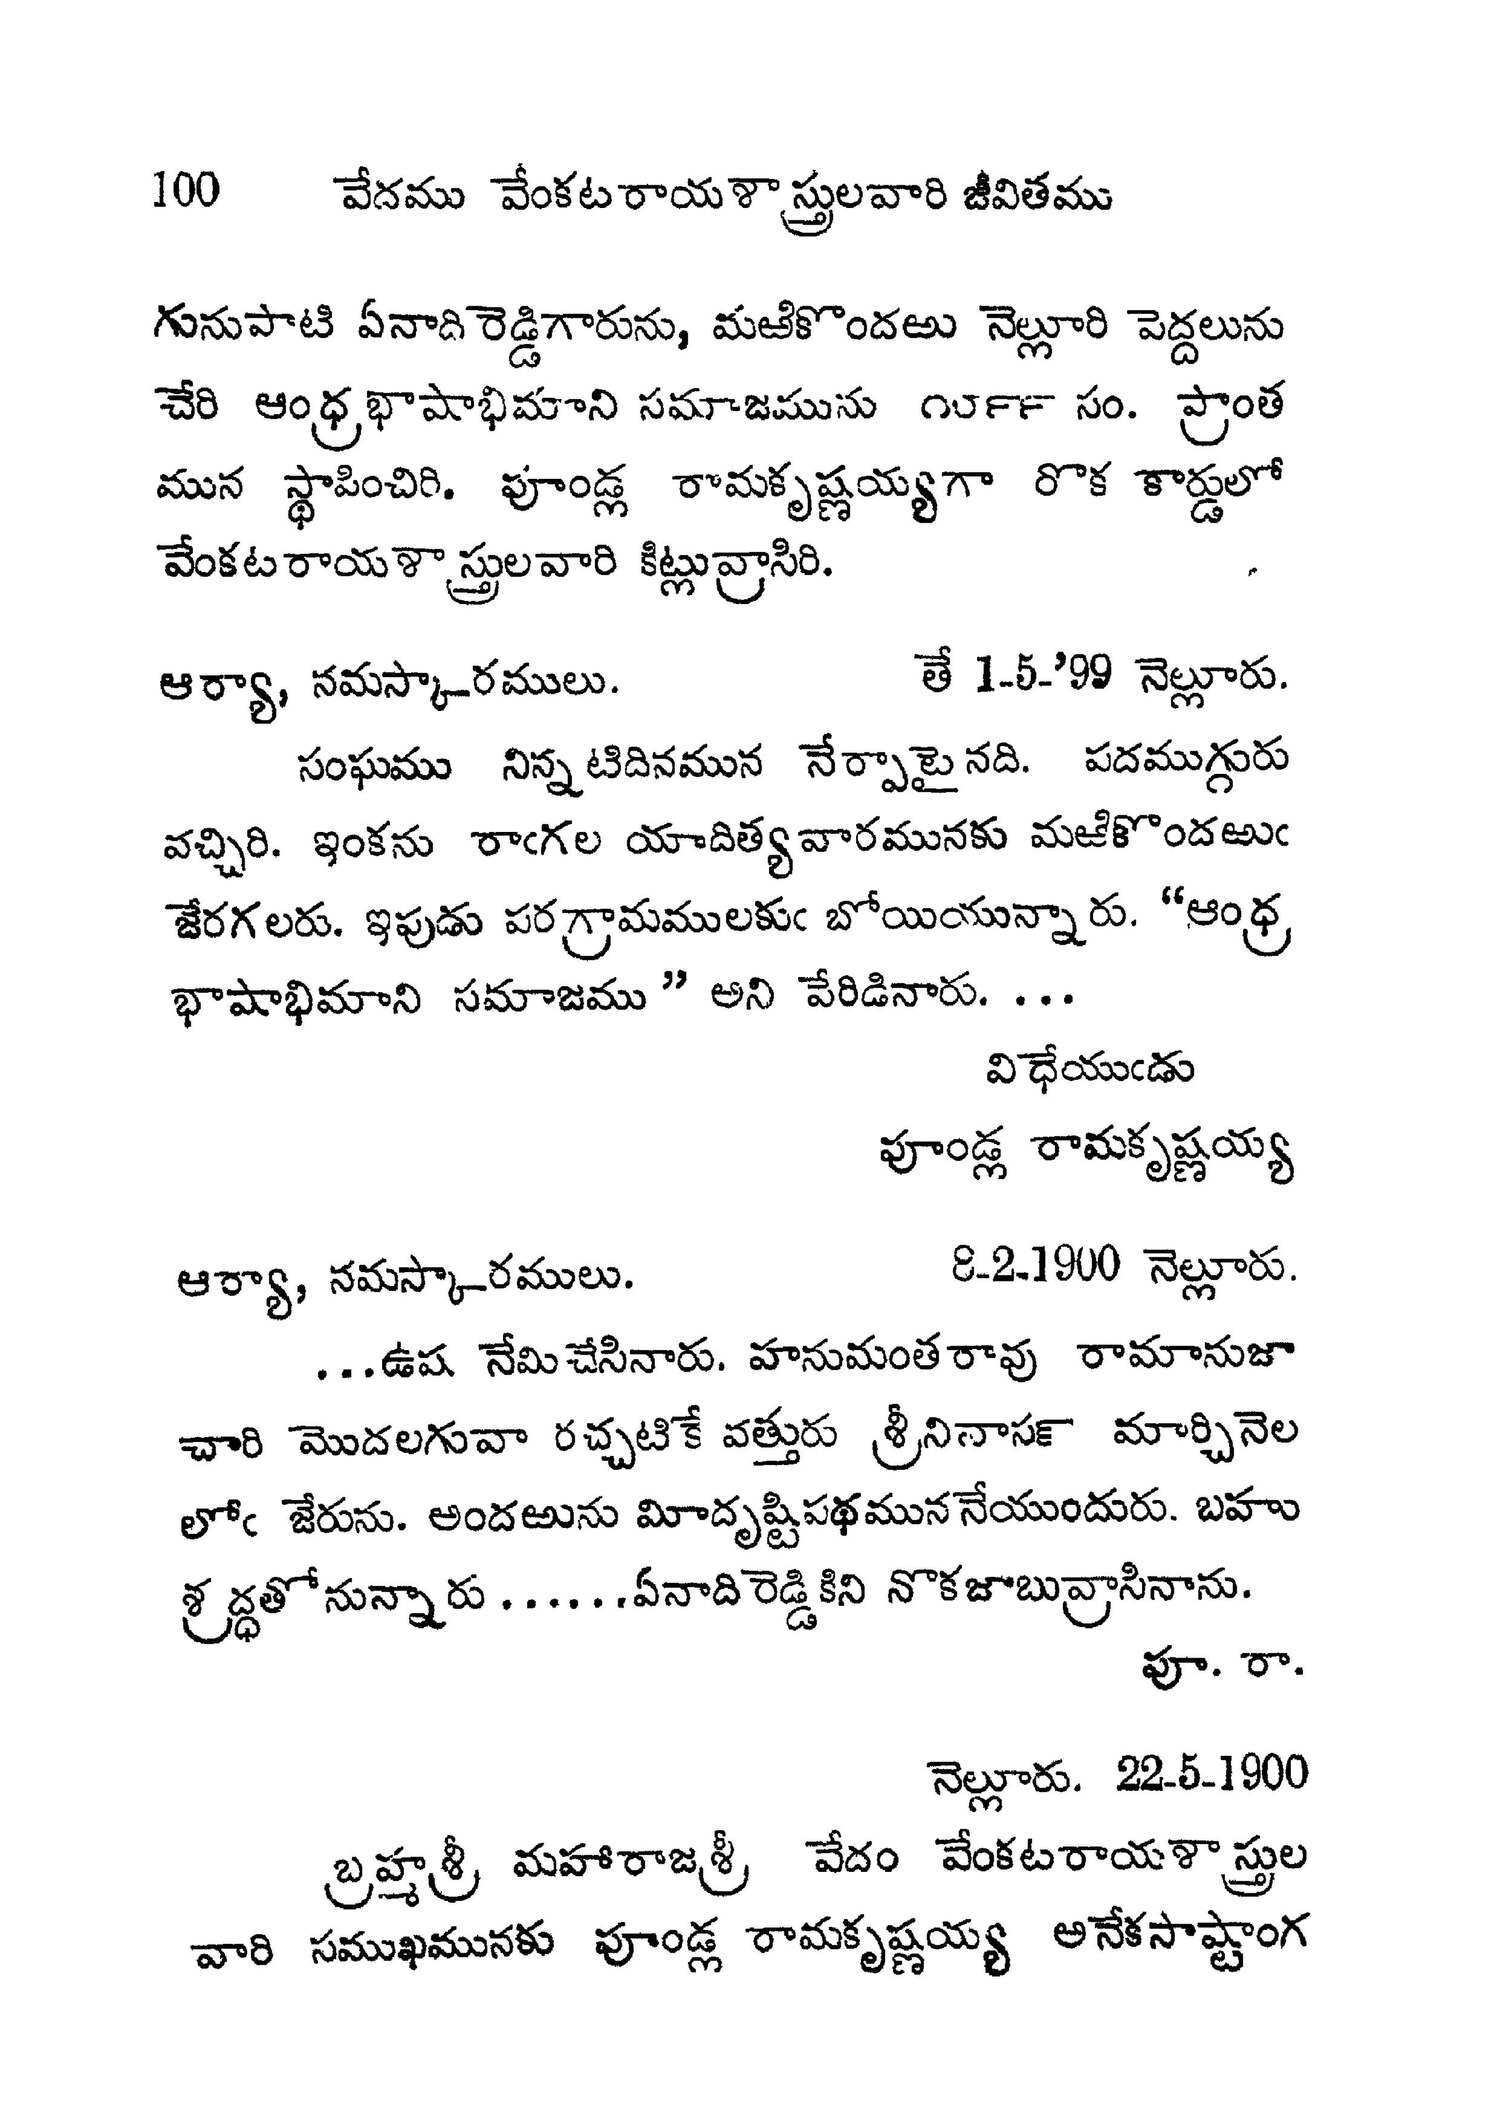గునుపాటి ఏనాదిరెడ్డిగారును, మఱికొందఱు నెల్లూరి పెద్దలును చేరి ఆంధ్రభాషాభిమాని సమాజమును 1899 సం. ప్రాంతమున స్థాపించిరి. పూండ్ల రామకృష్ణయ్యగా రొక కార్డులో వేంకటరాయశాస్త్రులవారి కిట్లువ్రాసిరి.

తే 1-5-99 నెల్లూరు.
ఆర్యా, నమస్కారములు. 

సంఘము నిన్నటిదినమున నేర్పాటైనది. పదముగ్గురు వచ్చిరి. ఇంకను రాగల యాదిత్యవారమునకు మఱికొందఱు జేరగలరు. ఇపుడు పరగ్రామములకు బోయియున్నారు. "ఆంధ్రభాషాభిమాని సమాజము" అని పేరిడినారు.....
విధేయుడు
పూండ్ల రామకృష్ణయ్య

8-2-1900 నెల్లూరు.
ఆర్యా, నమస్కారములు

...ఉష నేమి చేసినారు. హనుమంతరావు రామానుజాచారి మొదలగువా రచ్చటికే వత్తురు శ్రీనివాసన్ మార్చినెలలో జేరును. అందఱును మీదృష్టిపథముననేయుందురు. బహుశ్రద్ధతోనున్నారు ......ఏనాదిరెడ్డికిని నొకజాబువ్రాసినాను.
పూ. రా.

నెల్లూరు. 22-5-1900
బ్రహ్మశ్రీ మహారాజశ్రీ వేదం వేంకటరాయశాస్త్రుల వారి సముఖమునకు పూండ్ల రామకృష్ణయ్య అనేకసాష్టాంగ